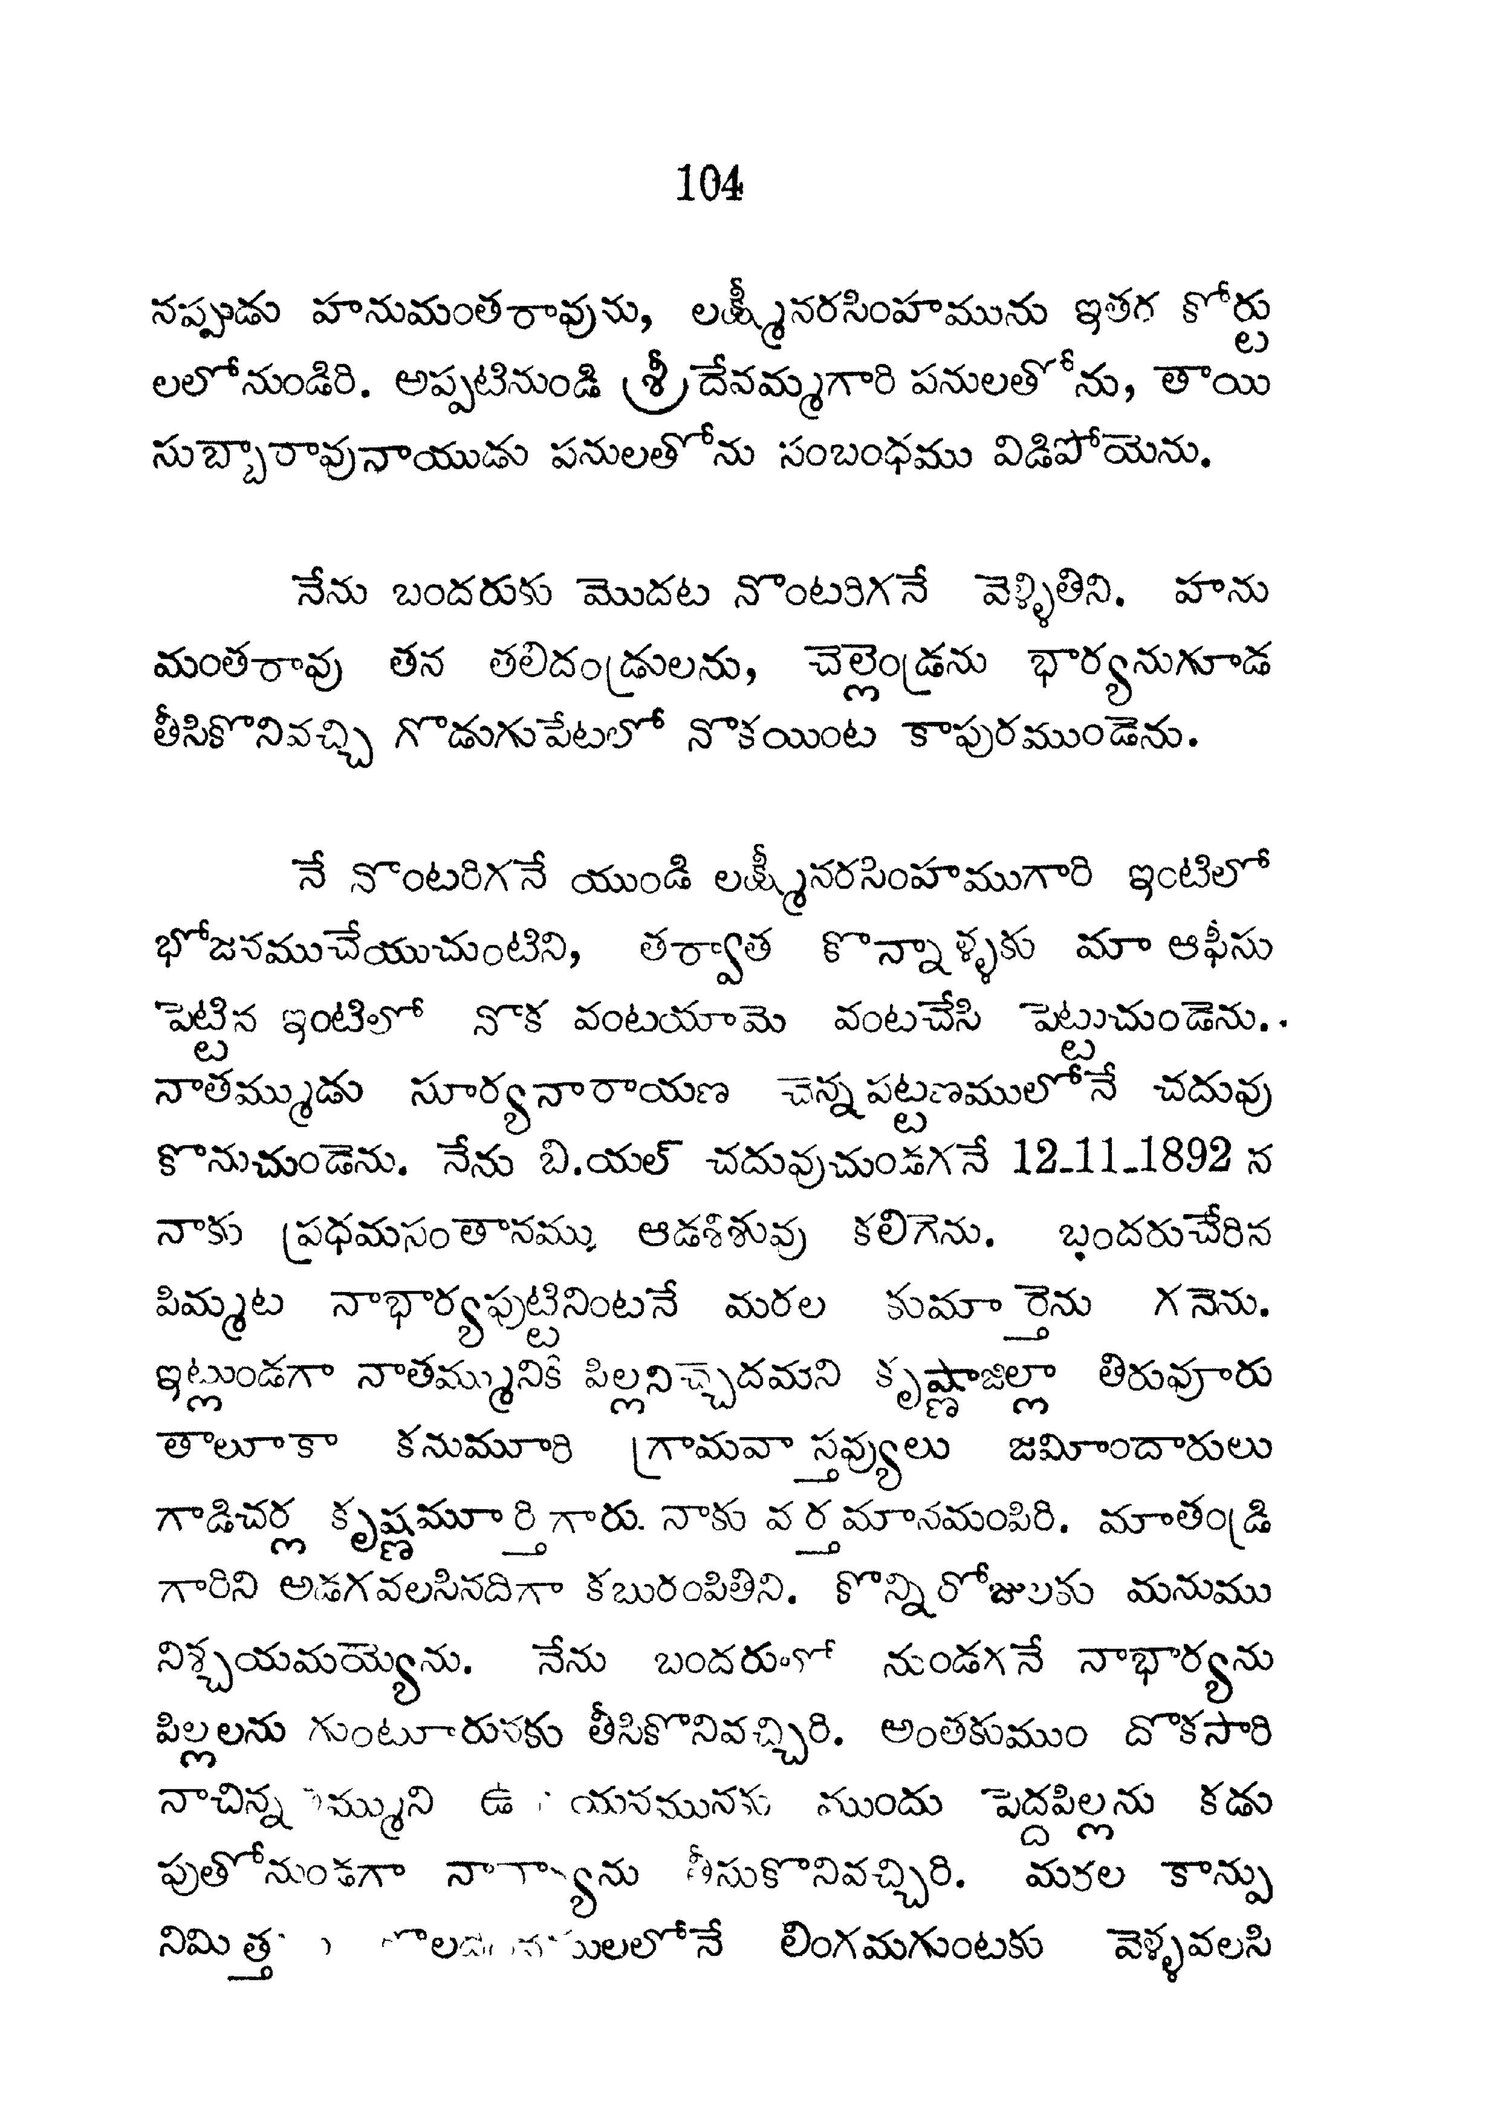నప్పుడు హనుమంతరావును, లక్ష్మీనరసింహమును ఇతర కోర్టులలోనుండిరి. అప్పటినుండి శ్రీదేవమ్మగారి పనులతోను, తాయి సుబ్బారావునాయుడు పనులతోను సంబంధము విడిపోయెను.

నేను బందరుకు మొదట నొంటరిగనే వెళ్ళితిని. హనుమంతరావు తన తలిదండ్రులను, చెల్లెండ్రను భార్యనుగూడ తీసికొనివచ్చి గొడుగుపేటలో నొకయింట కాపురముండెను.

నే నొంటరిగనే యుండి లక్ష్మీనరసింహముగారి ఇంటిలో భోజనముచేయుచుంటిని, తర్వాత కొన్నాళ్ళకు మా ఆఫీసు పెట్టిన ఇంటిలో నొక వంటయామె వంటచేసి పెట్టుచుండెను. నాతమ్ముడు సూర్యనారాయణ చెన్నపట్టణములోనే చదువుకొనుచుండెను. నేను బి. యల్. చదువుచుండగనే 12 - 11 - 1892 న నాకు ప్రధమసంతానము, ఆడశిశువు కలిగెను. బందరుచేరిన పిమ్మట నాభార్యపుట్టినింటనే మరల కుమార్తెను గనెను. ఇట్లుండగా నాతమ్మునికి పిల్లనిచ్చెదమని కృష్ణాజిల్లా తిరువూరు తాలూకా కనుమూరి గ్రామవాస్తవ్యులు జమీందారులు గాడిచర్ల కృష్ణమూర్తిగారు నాకు వర్తమానమంపిరి. మాతండ్రిగారిని అడగవలసినదిగా కబురంపితిని. కొన్ని రోజులకు మనుము నిశ్చయమయ్యెను. నేను బందరులో నుండగనే నాభార్యను పిల్లలను గుంటూరునకు తీసికొనివచ్చిరి. అంతకుముం దొకసారి నాచిన్నతమ్ముని ఉపనయనమునకు ముందు పెద్దపిల్లను కడుపుతోనుండగా నాభార్యను తీసుకొనివచ్చిరి. మరల కాన్పు నిమిత్తము కొలదిదినములలోనే లింగమగుంటకు వెళ్ళవలసి